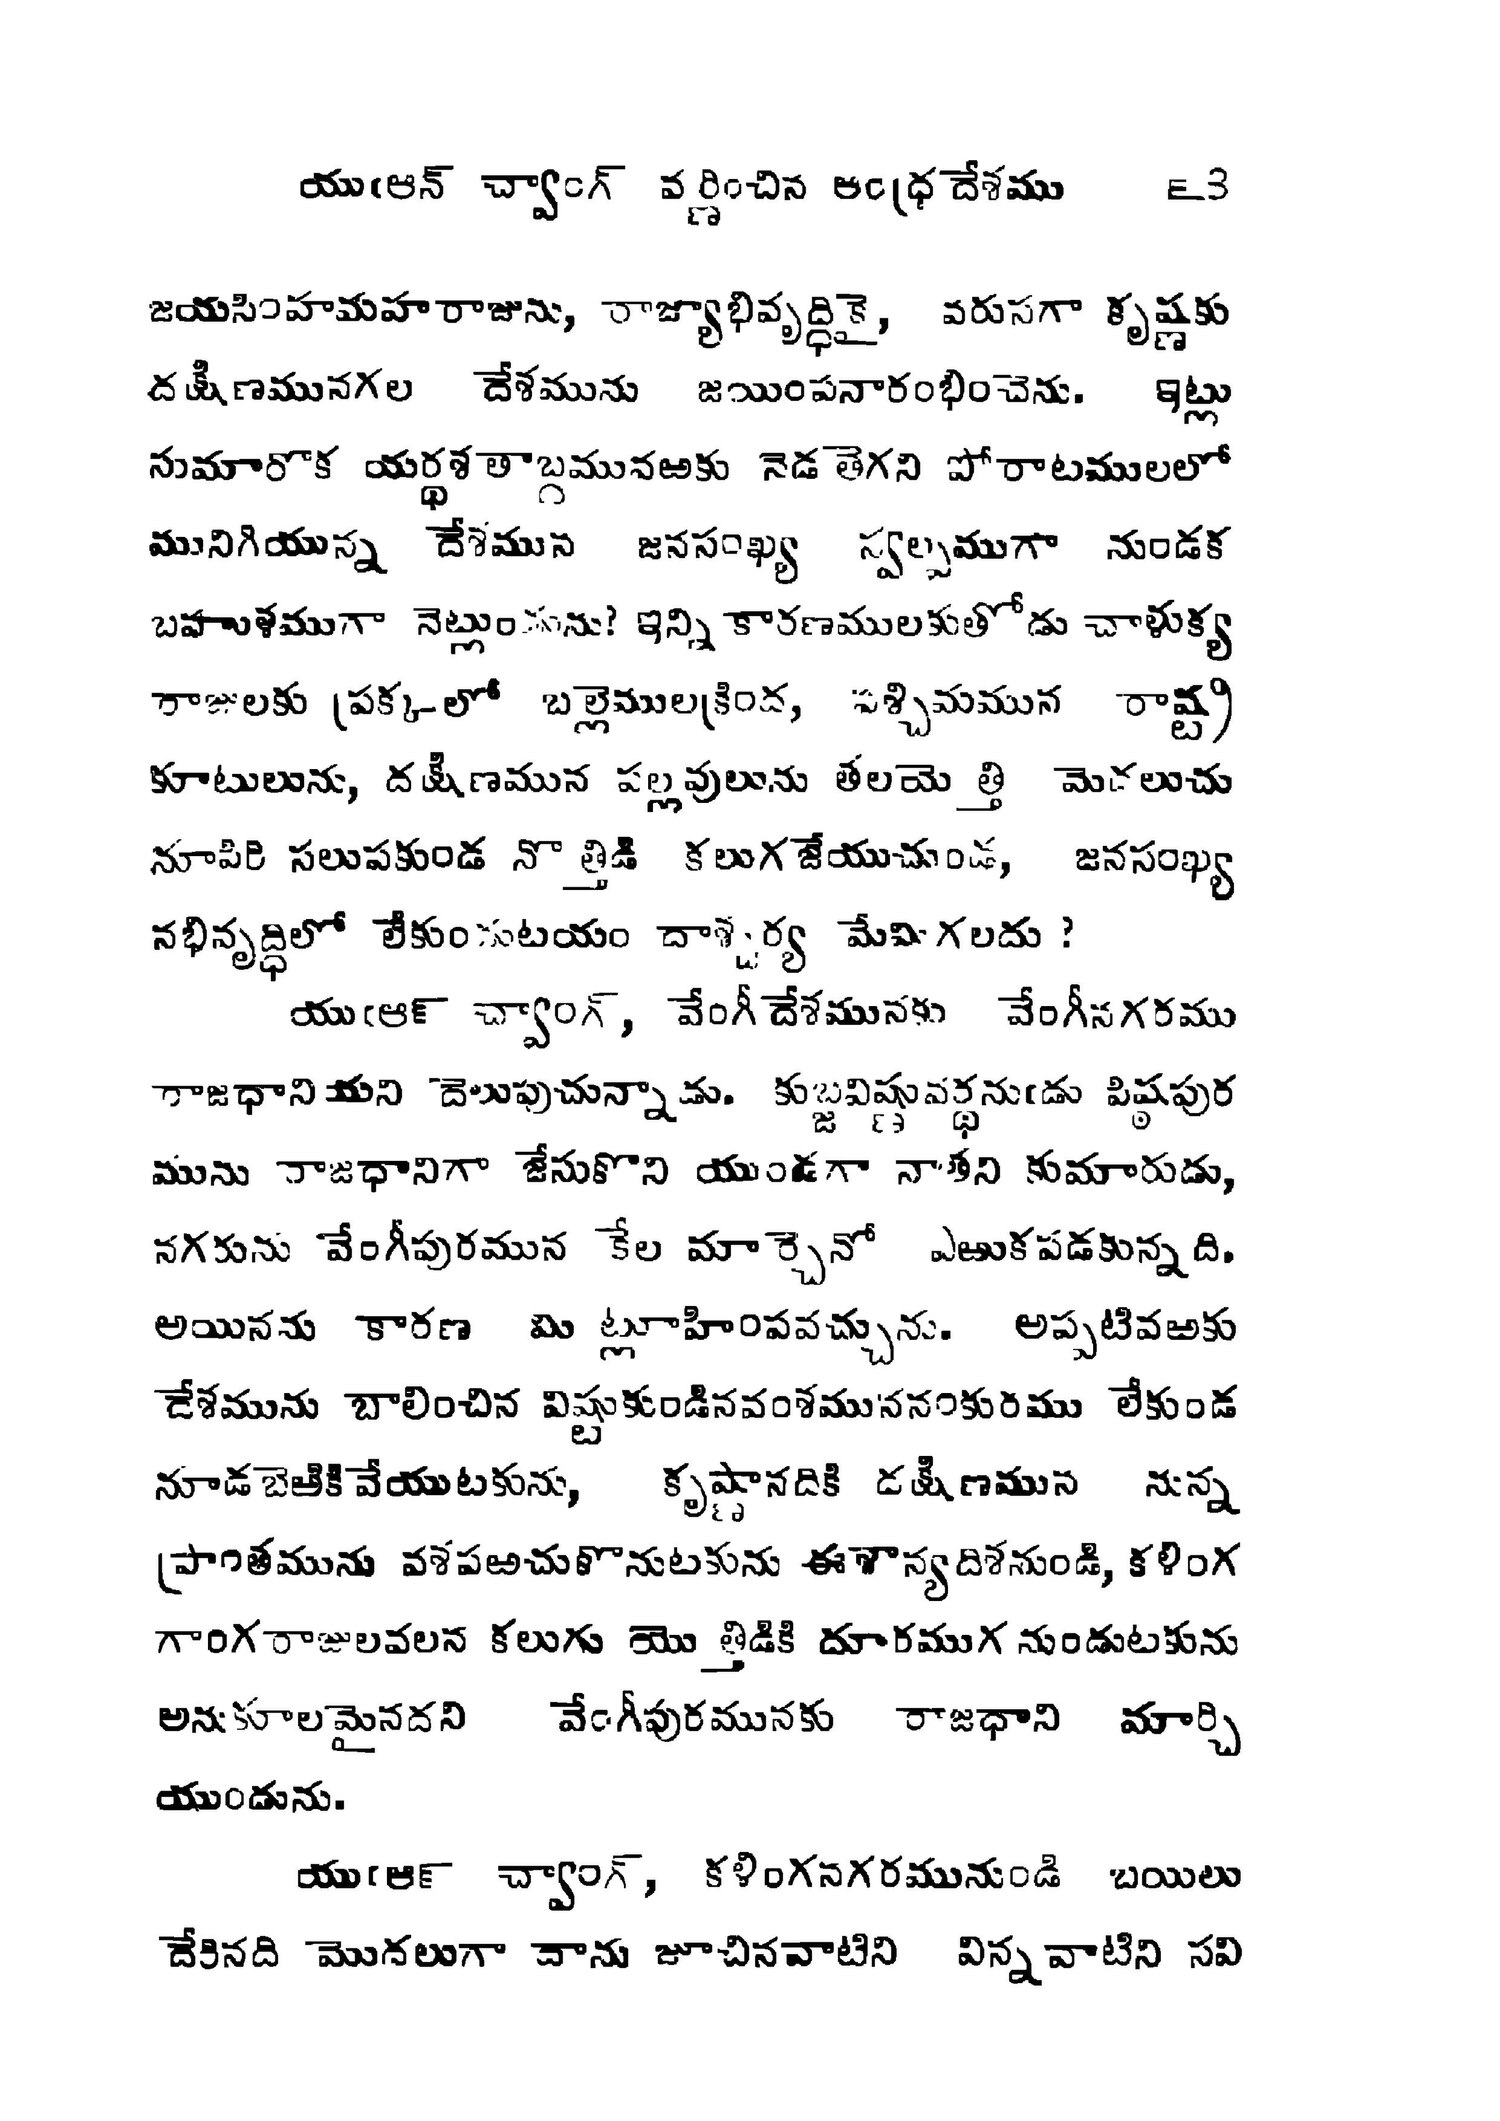జయసింహమహరాజును, రాజ్యాభివృద్ధికై, వరుసగా కృష్ణకు దక్షిణమునగల దేశమును జయింపనారంభించెను. ఇట్లు సుమారొక యర్థశతాబ్దమువఱకు నెడతెగని పోరాటములలో మునిగియున్న దేశమున జనసంఖ్య స్వల్పముగా నుండక బహుళముగా నెట్లుండును? ఇన్ని కారణములకుతోడు చాళుక్యరాజులకు ప్రక్కలో బల్లెములక్రింద, పశ్చిమమున రాష్ట్ర కూటులును, దక్షిణమున పల్లవులును తలయెత్తి మెదలుచు నూపిరి సలుపకుండ నొత్తిడి కలుగజేయుచుండ, జనసంఖ్య నభివృద్ధిలో లేకుండుటయం దాశ్చర్య మేమిగలదు?

యు ఆన్ చ్వాంగ్, వేంగీదేశమునకు వేంగీనగరము రాజధానియని దెలుపుచున్నాడు. కుబ్జవిష్ణువర్థనుడు పిష్ఠపురమును రాజధానిగా జేసుకొని యుండగా నాతని కుమారుడు, నగరును వేంగీపురమున కేల మార్చెనో ఎఱుకపడకున్నది. అయినను కారణ మిట్లూహింపవచ్చును. అప్పటివఱకు దేశమును బాలించిన విష్ణుకుండినవంశమున నంకురము లేకుండ నూడబెఱికి వేయుటకును, కృష్ణానదికి దక్షిణమున నున్న ప్రాంతమును వశపఱచు కొనుటకును ఈశాన్యదిశనుండి, కళింగ గాంగరాజుల వలన కలుగు యొత్తిడికి దూరముగ నుండుటకును అనుకూలమైనదని వేంగీపురమునకు రాజధాని మార్చి యుండును.

యు ఆన్ చ్వాంగ్, కళింగనగరమునుండి బయిలుదేరినది మొదలుగా దాను జూచినవాటిని విన్నవాటిని సవి